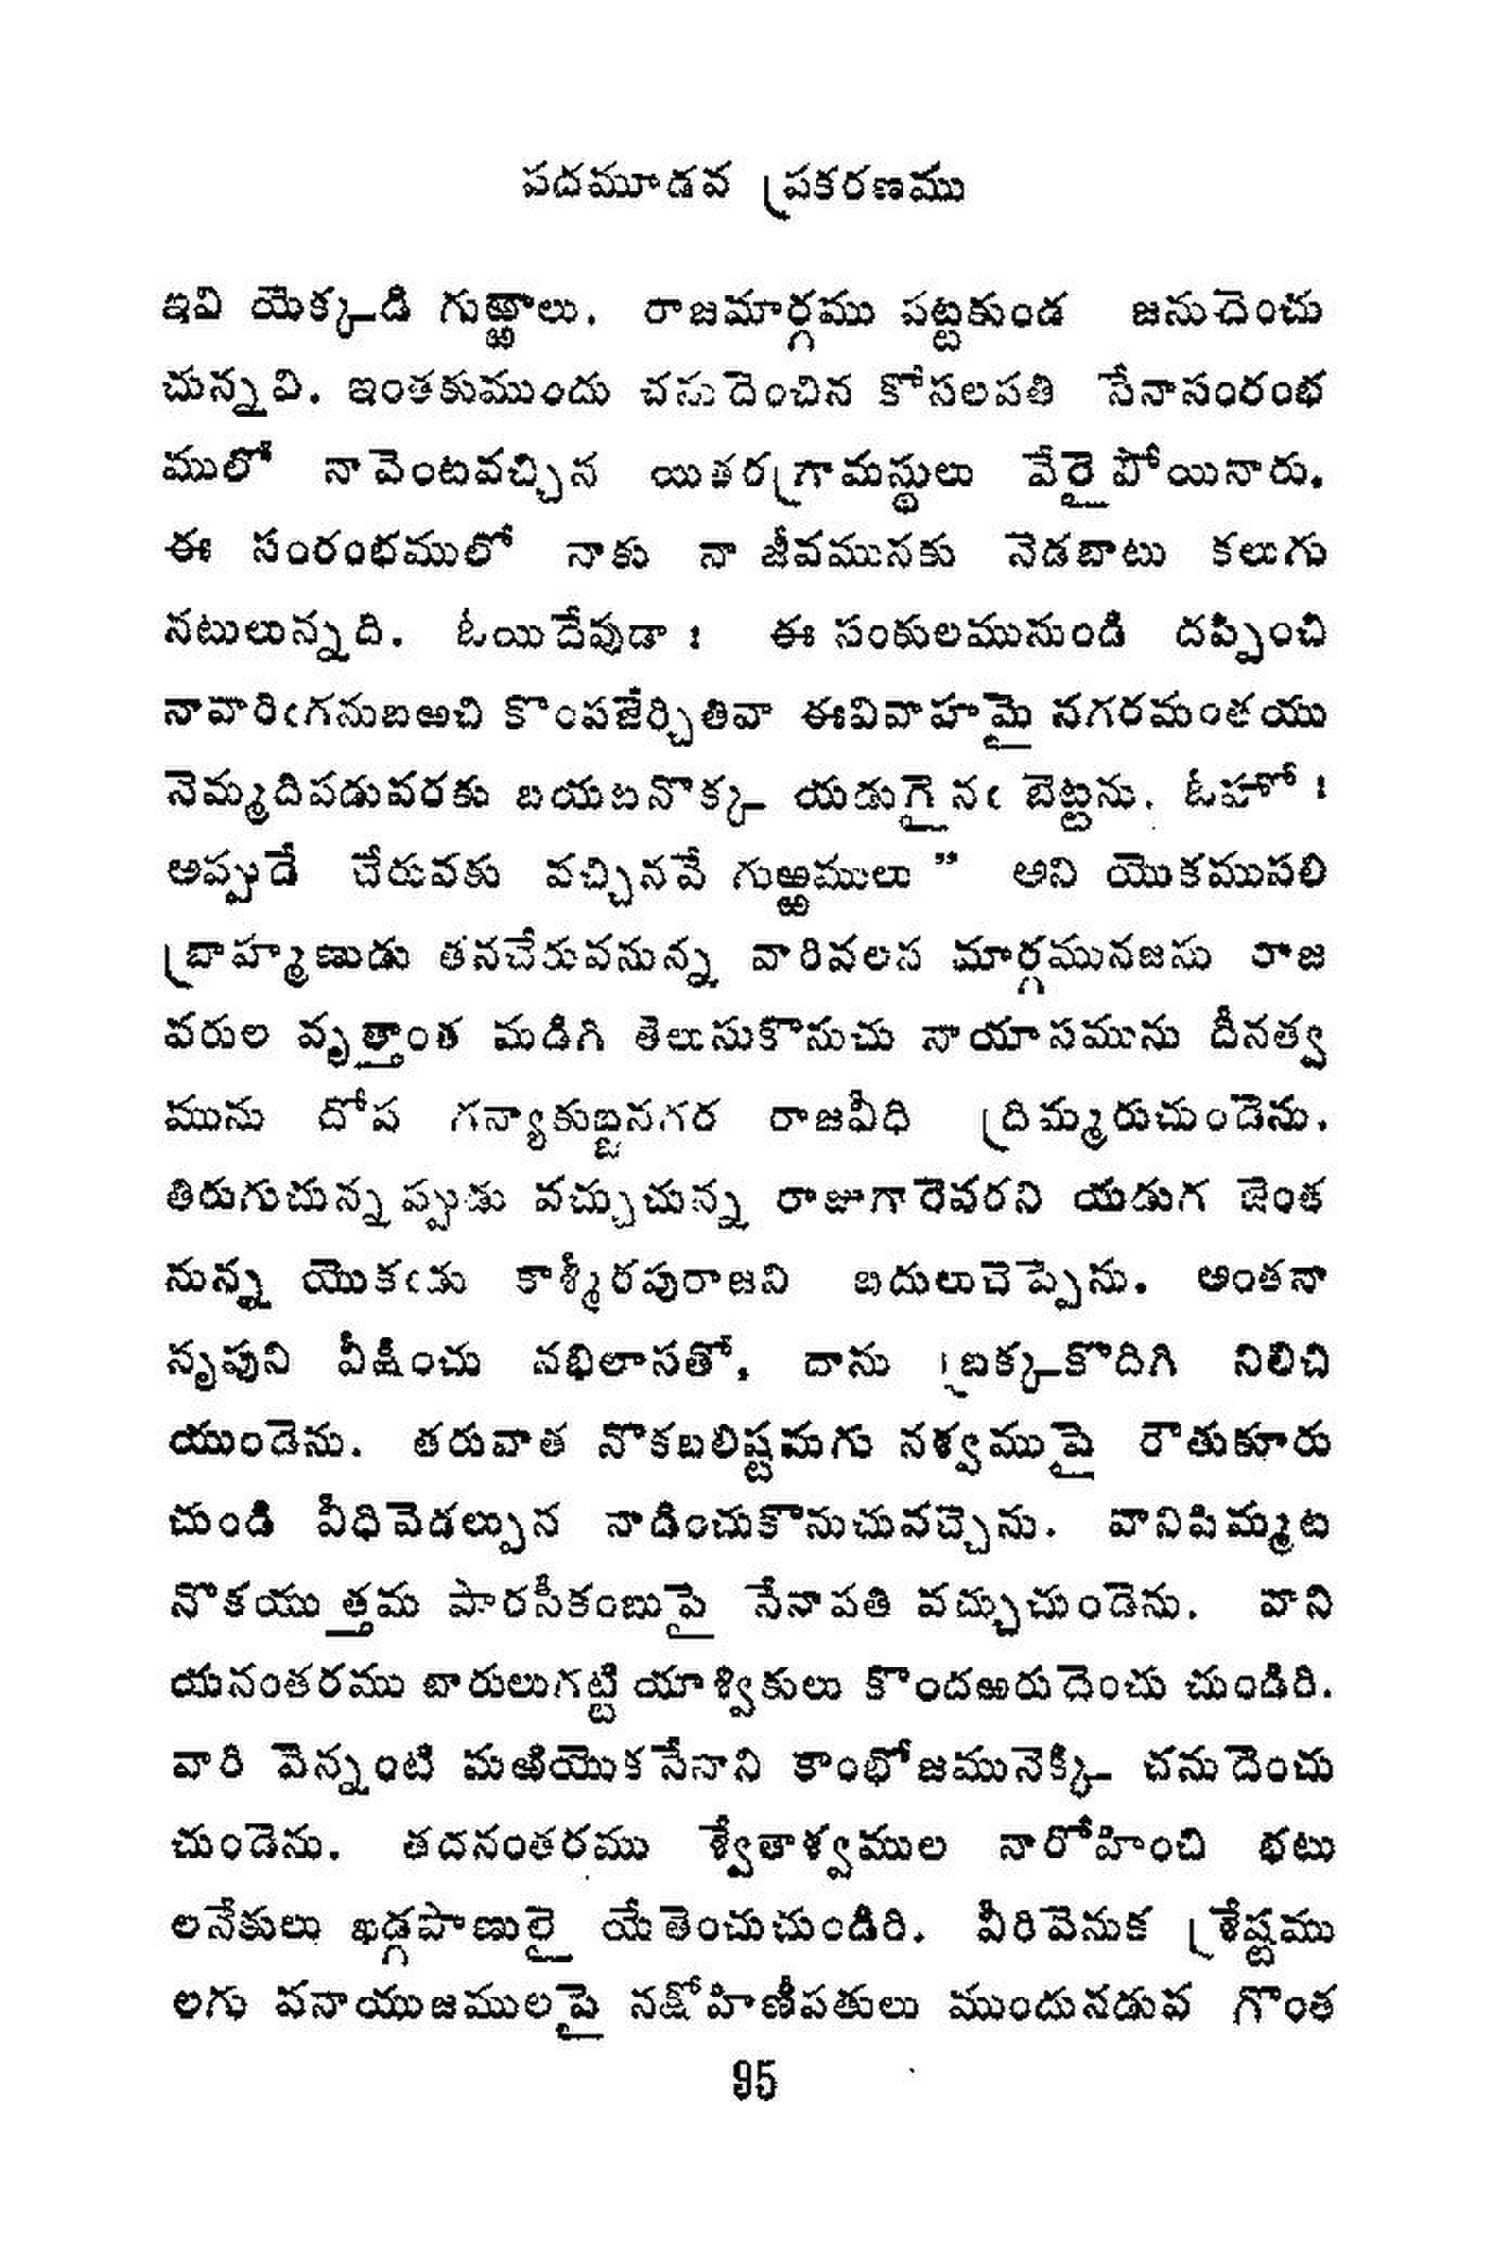ఇవి యెక్కడి గుఱ్ఱాలు. రాజమార్గము పట్టకుండ జనుదెంచుచున్నవి. ఇంతకుముందు చనుదెంచిన కోసలపతి సేనాసంరంభములో నావెంటవచ్చిన యితరగ్రామస్థులు వేరైపోయినారు. ఈ సంరంభములో నాకు నా జీవమునకు నెడబాటు కలుగు నటులున్నది. ఓయిదేవుడా! ఈ సంకులమునుండి దప్పించి నావారిఁగనుబఱచి కొంపజేర్చితివా ఈవివాహమై నగరమంతయు నెమ్మదిపడువరకు బయటనొక్క యడుగైనఁ బెట్టను. ఓహో ! అప్పుడే చేరువకు వచ్చినవే గుఱ్ఱములు" అని యొకముసలి బ్రాహ్మణుడు తనచేరువనున్న వారివలన మార్గమునజను రాజవరుల వృత్తాంత మడిగి తెలుసుకొనుచు నాయాసమును దీనత్వమును దోప గన్యాకుబ్జనగర రాజవీధి ద్రిమ్మరుచుండెను, తిరుగుచున్నప్పుడు వచ్చుచున్న రాజుగారెవరని యడుగ జెంతనున్న యొకఁడు కాశ్మీరపురాజని బదులుచెప్పెను. అంతనా నృపుని వీక్షించు నభిలాసతో, దాను బ్రక్కకొదిగి నిలిచి యుండెను. తరువాత నొకబలిష్టమగు నశ్వముపై రౌతుకూరుచుండి వీధివెడల్పున నాడించు కొనుచువచ్చెను. వానిపిమ్మట నొకయుత్తమ పారసీకంబుపై నేనాపతి వచ్చుచుండెను. వాని యనంతరము బారులుగట్టి యాశ్వికులు కొందఱురుదెంచు చుండిరి. వారి వెన్నంటి మఱియొకసేనాని కాంభోజమునెక్కి చనుదెంచు చుండెను. తదనంతరము శ్వేతాశ్వముల నారోహించి భటు లనేకులు ఖడ్గపాణులై యేతెంచుచుండిరి. వీరివెనుక శ్రేష్టములగు వనాయుజములపై నక్షోహిణీపతులు ముందునడువ గొంత